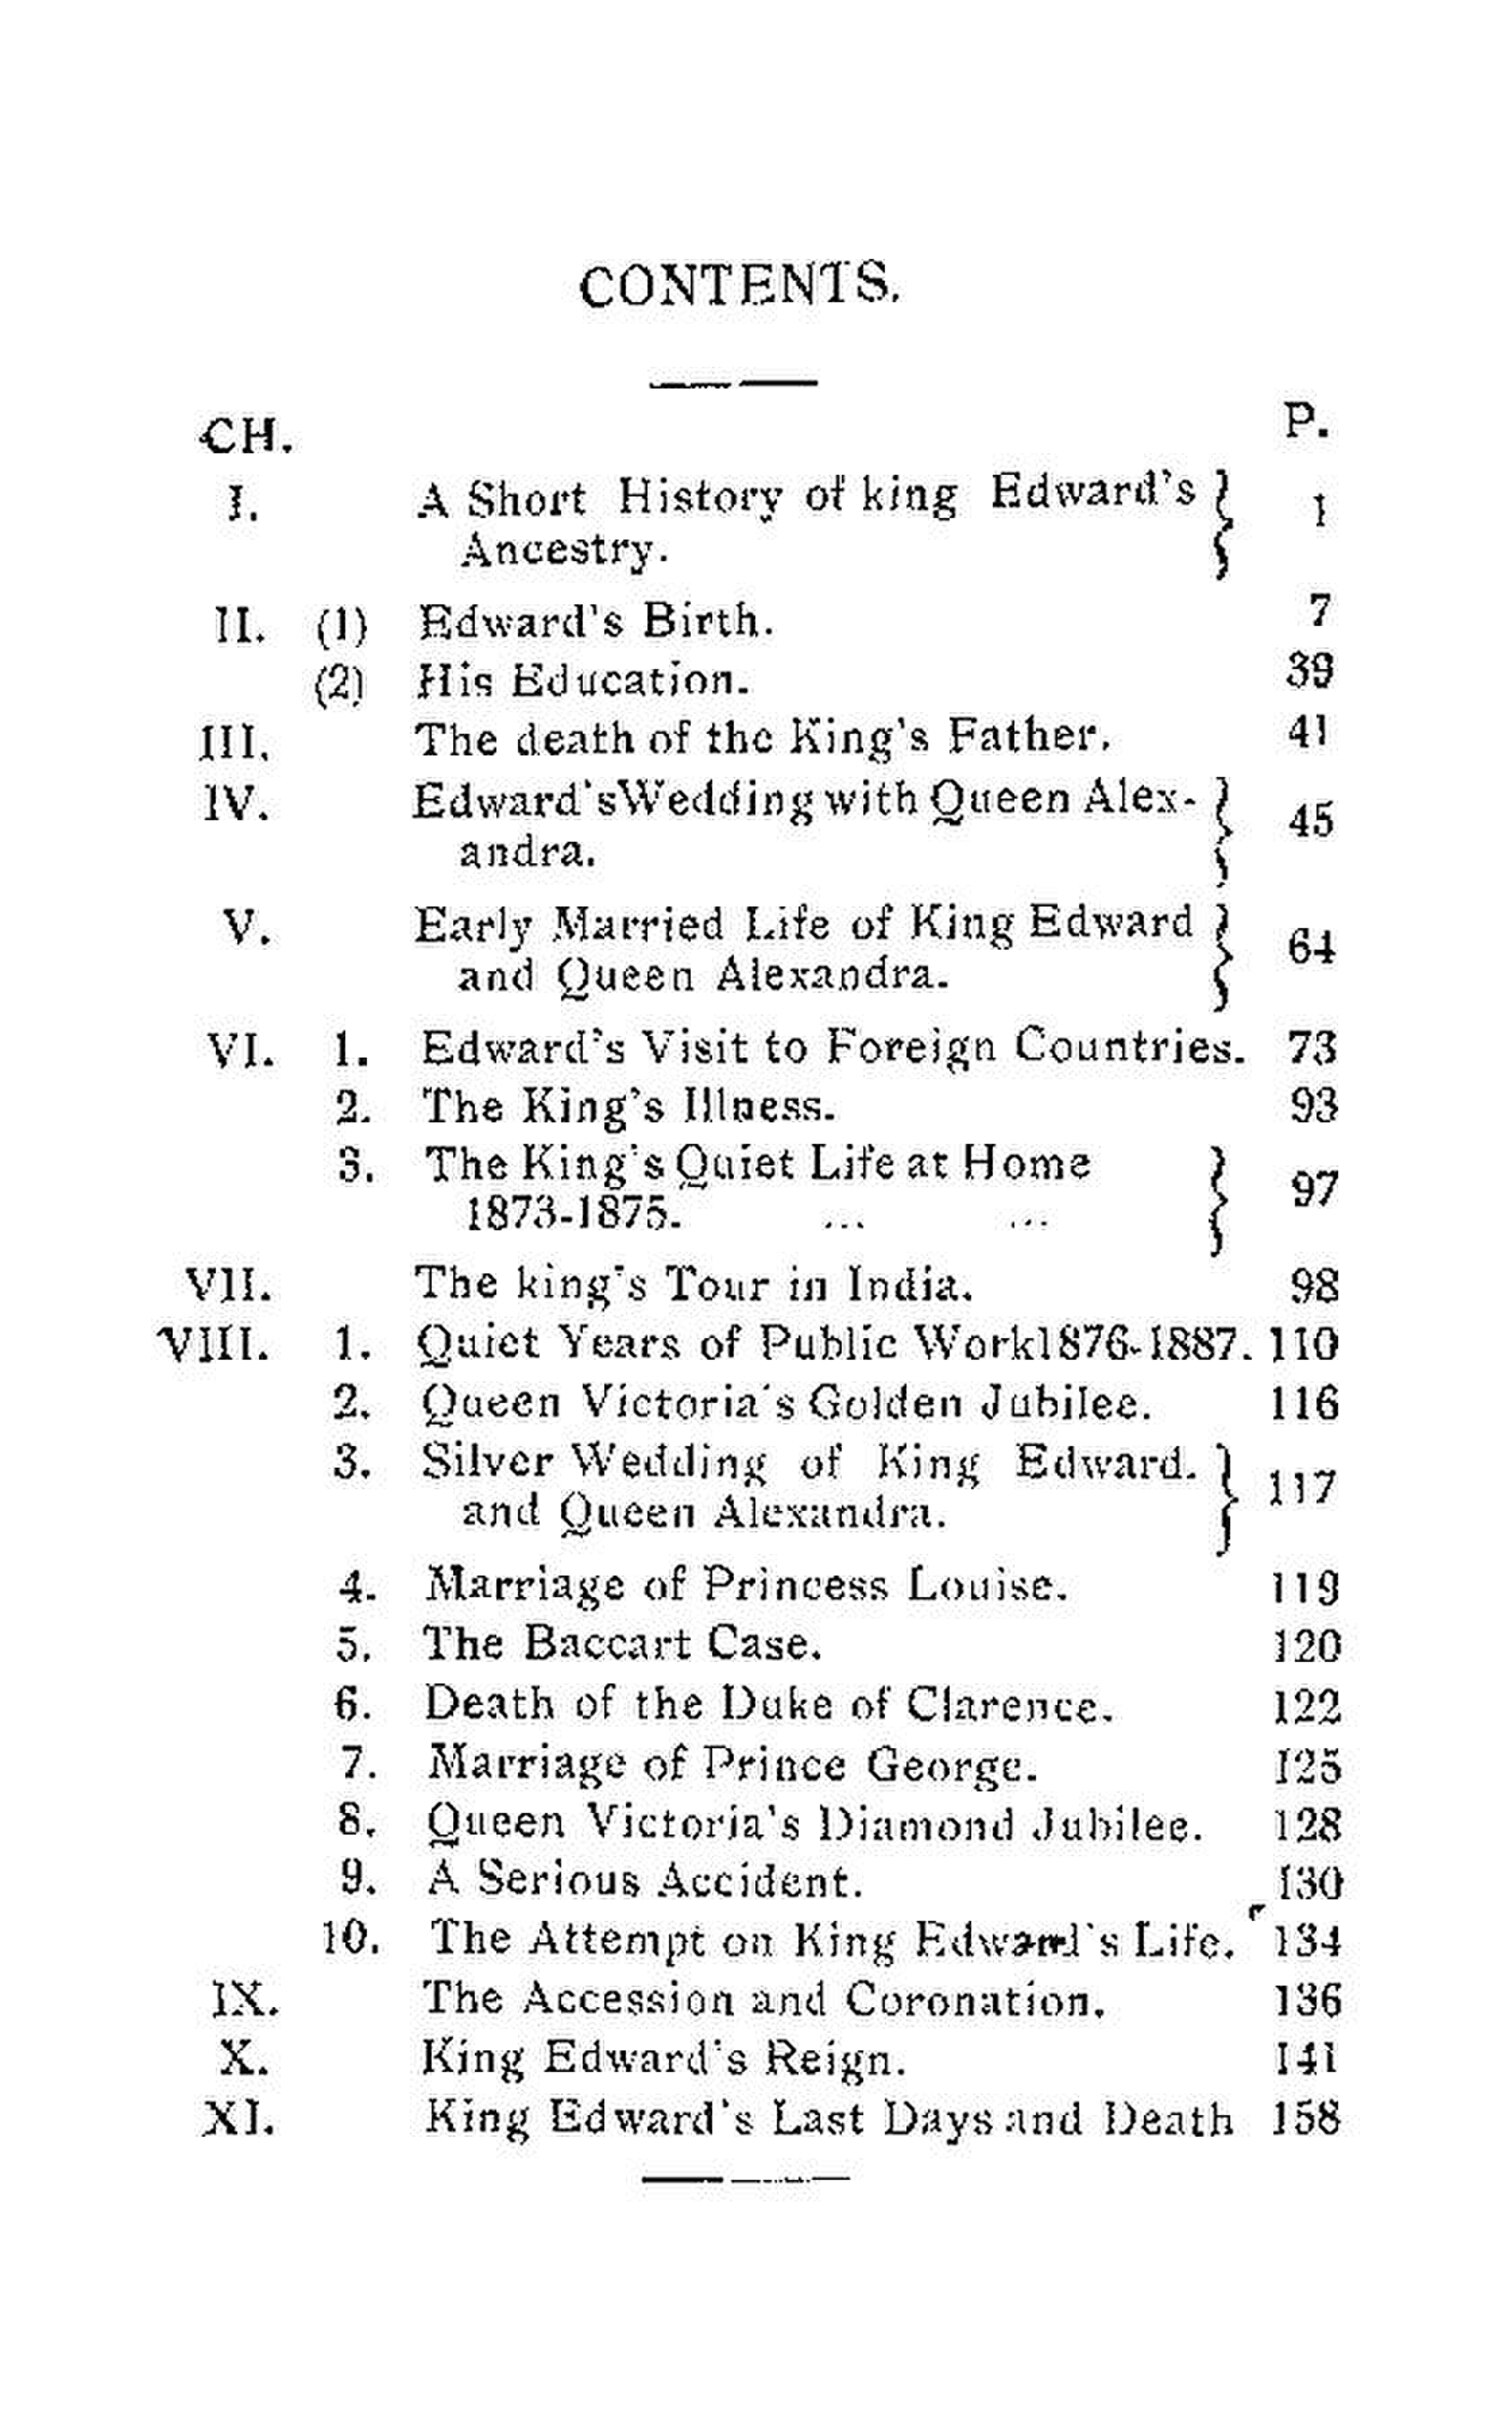CONTENTS

1. A Short History of king Edward's Ancestry. 
II. (1) Edward's Birth.
(2) His Education. 
III, The death of the King's Father. 
IV. Edward's Wedding with Queen Alex. andra. 
V. Early Married Life of King Edwardand Queen Alexandra.
VI. 1. Edward's Visit to Foreign countries. 
2. The King's Illness.
3. The King's Quiet Life at Home 1873-1875. 
VII. The king's Tour in India. 
VIII. 1. Quiet Years of Public Work1876-1887. 
2. Queen Victoria's Golden Jubilee. 
3. Silver Weddling of King Edward.and Queen Alexandr.
4. Marriage of Princess Louise
5. The Baccart Case.
6. Death of the Duke of Clarence. 
7.Marriage of Prince George.125
8. Queen Victoria's Diamond Jubilee. 
9. A Serious Accident.
10. The Attempt on King Edwarl's Life. 
IX. The Accession and Coronation. 
King Edward's Reign. 
King Edward's Last Days and Death 
.